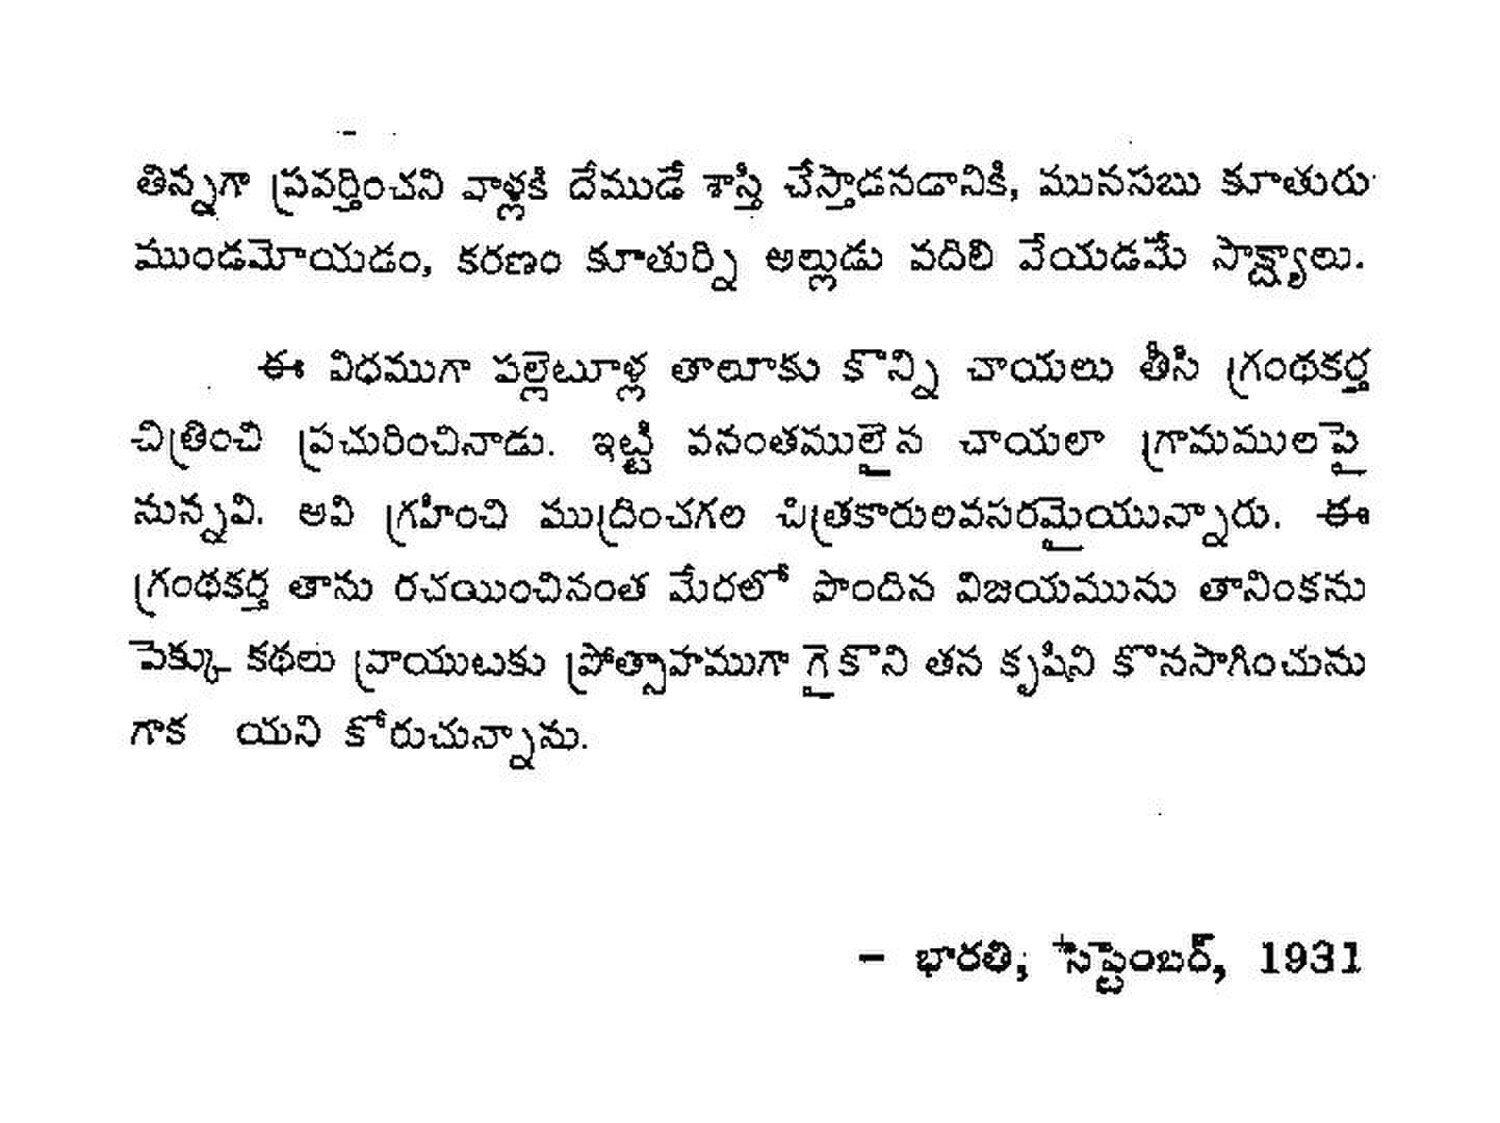తిన్నగా ప్రవర్తించని వాళ్లకి దేముడే శాస్తి చేస్తాడనడానికి, మునసబు కూతురు ముండమోయడం, కరణం కూతుర్ని అల్లుడు వదిలి వేయడమే సాక్ష్యాలు.

ఈ విధముగా పల్లెటూళ్ల తాలూకు కొన్ని చాయలు తీసి గ్రంథకర్త చిత్రించి ప్రచురించినాడు. ఇట్టి వసంతములైన చాయలా గ్రామములపై నున్నవి. అవి గ్రహించి ముద్రించగాల చిత్రకారులవసరమైయున్నారు. ఈ గ్రంథకర్త తాను రచియించినంత మేరలో పొందిన విజయమును తానింకను పెక్కు కథలు వ్రాయుటకు ప్రోత్సాహముగా గైకొని తన కృషిని కొనసాగించును గాక యని కోరుచున్నాను.